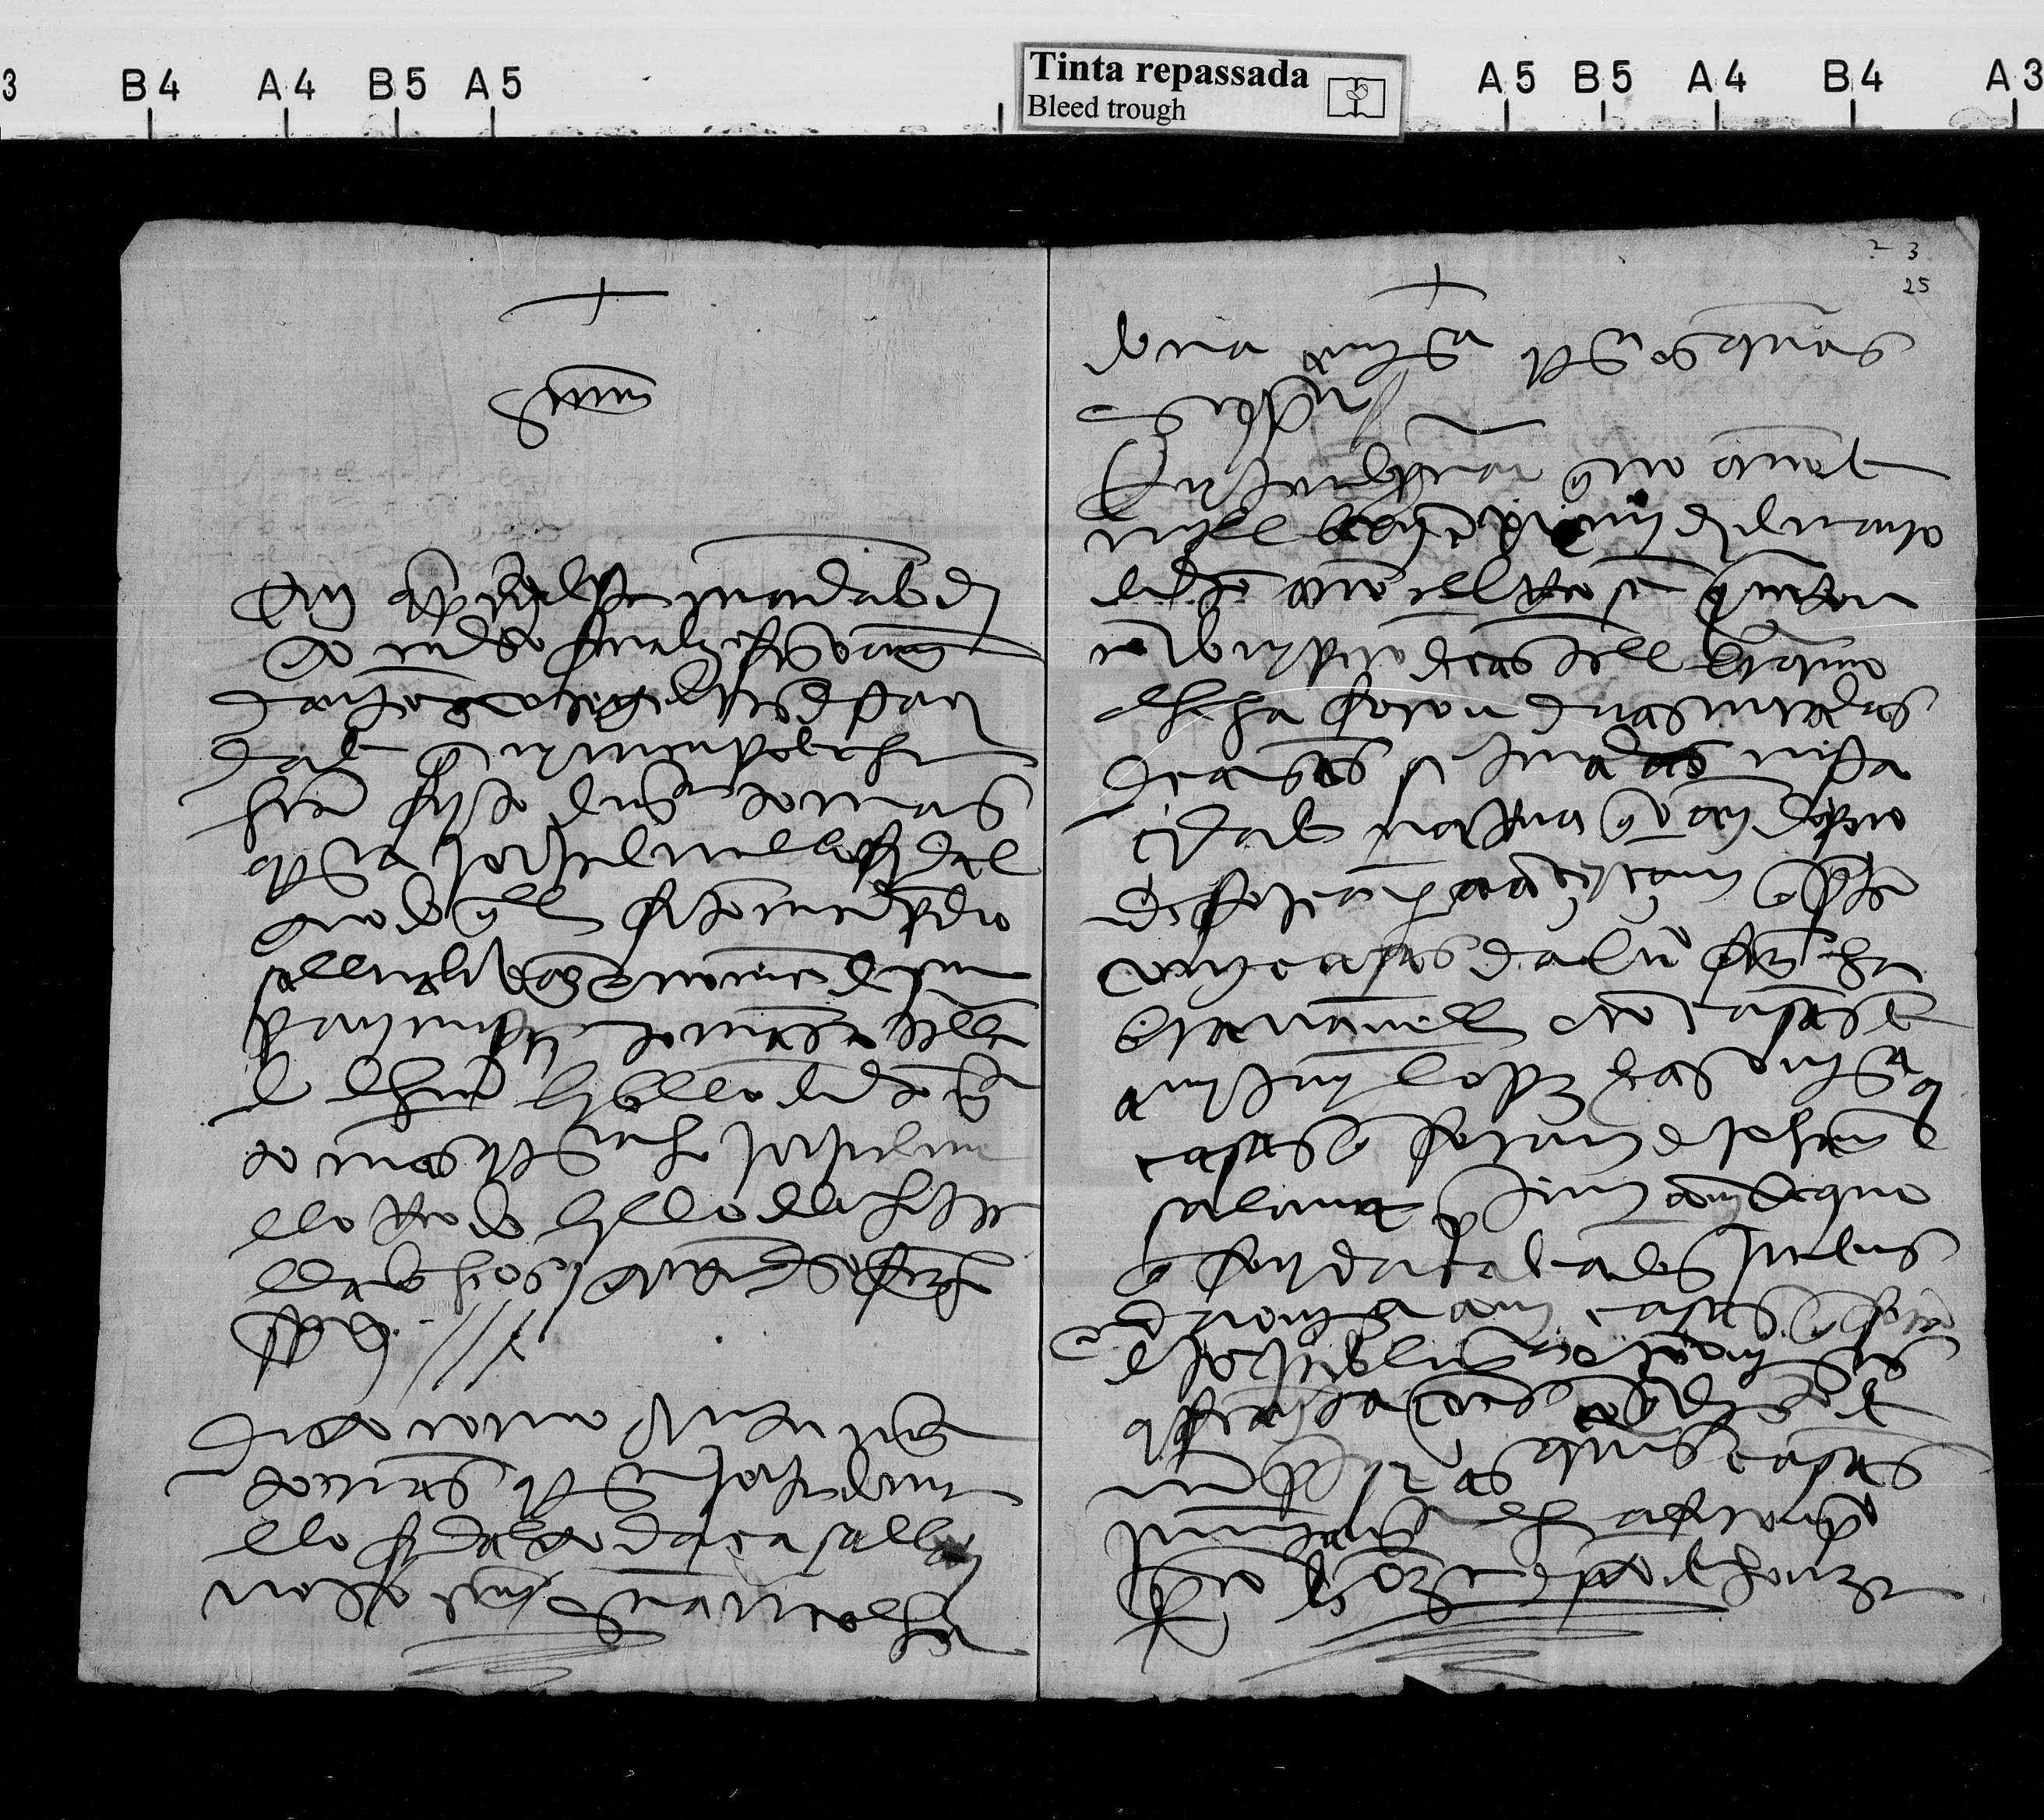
Sn̄nor
Em ꝯpimto deste mādado dj
go eu dso fernandez escvam
dante os coregedores desta cj
dade q̄ en meu poder he
huū fejto de mte tomas
ꝯtra JorJe de melo fjdal
guo do q̄ll fetō me pedio
salluador vāz enome de seu
pay mestre tomas o trella
do dhuū ljbello do dito mte
tomas ꝯtra ho JorJe de me
llo Reo do ljbelo dele ho tre
llado he o sjgjnte dso fr̄z ho
sp̄uj.
digo como Autor mte
tomas ꝯtra JorJe de me
llo fydalgo da casa del Rej
noso sn̄or / e sua molher
dona amta ꝯtra os quaes
e se ꝯp̄r //
Entendo ꝓuar q̄ no an̄o de
mjll bcxij ē primo dj de mayo
do dtō anō ell Reo se ꝯcertou
cō dom pero de castell branco
e lhe haforou duas moradas
de casas setuadas nesta
cidade na Rua q̄ vay do poço
de fotea ꝑa a cōceiçam q̄ p̄tē
com casas daluo frz̄ ha
brauanell e cō casas de
amtam lopez e as outas ꝯ
casas q̄ foram de Joham
salama p̄tem com bequo
q̄ foy da cadea dos Judeus
e da outa com casas q̄ forā
de JorJe doliura e cō outas
ꝯfrontações c̄o q̄ drto de
uē p̄tyr as quaes casas
juntamte lhe aforou p̄o
ꝑ̄ço de ōze djgo de honze
